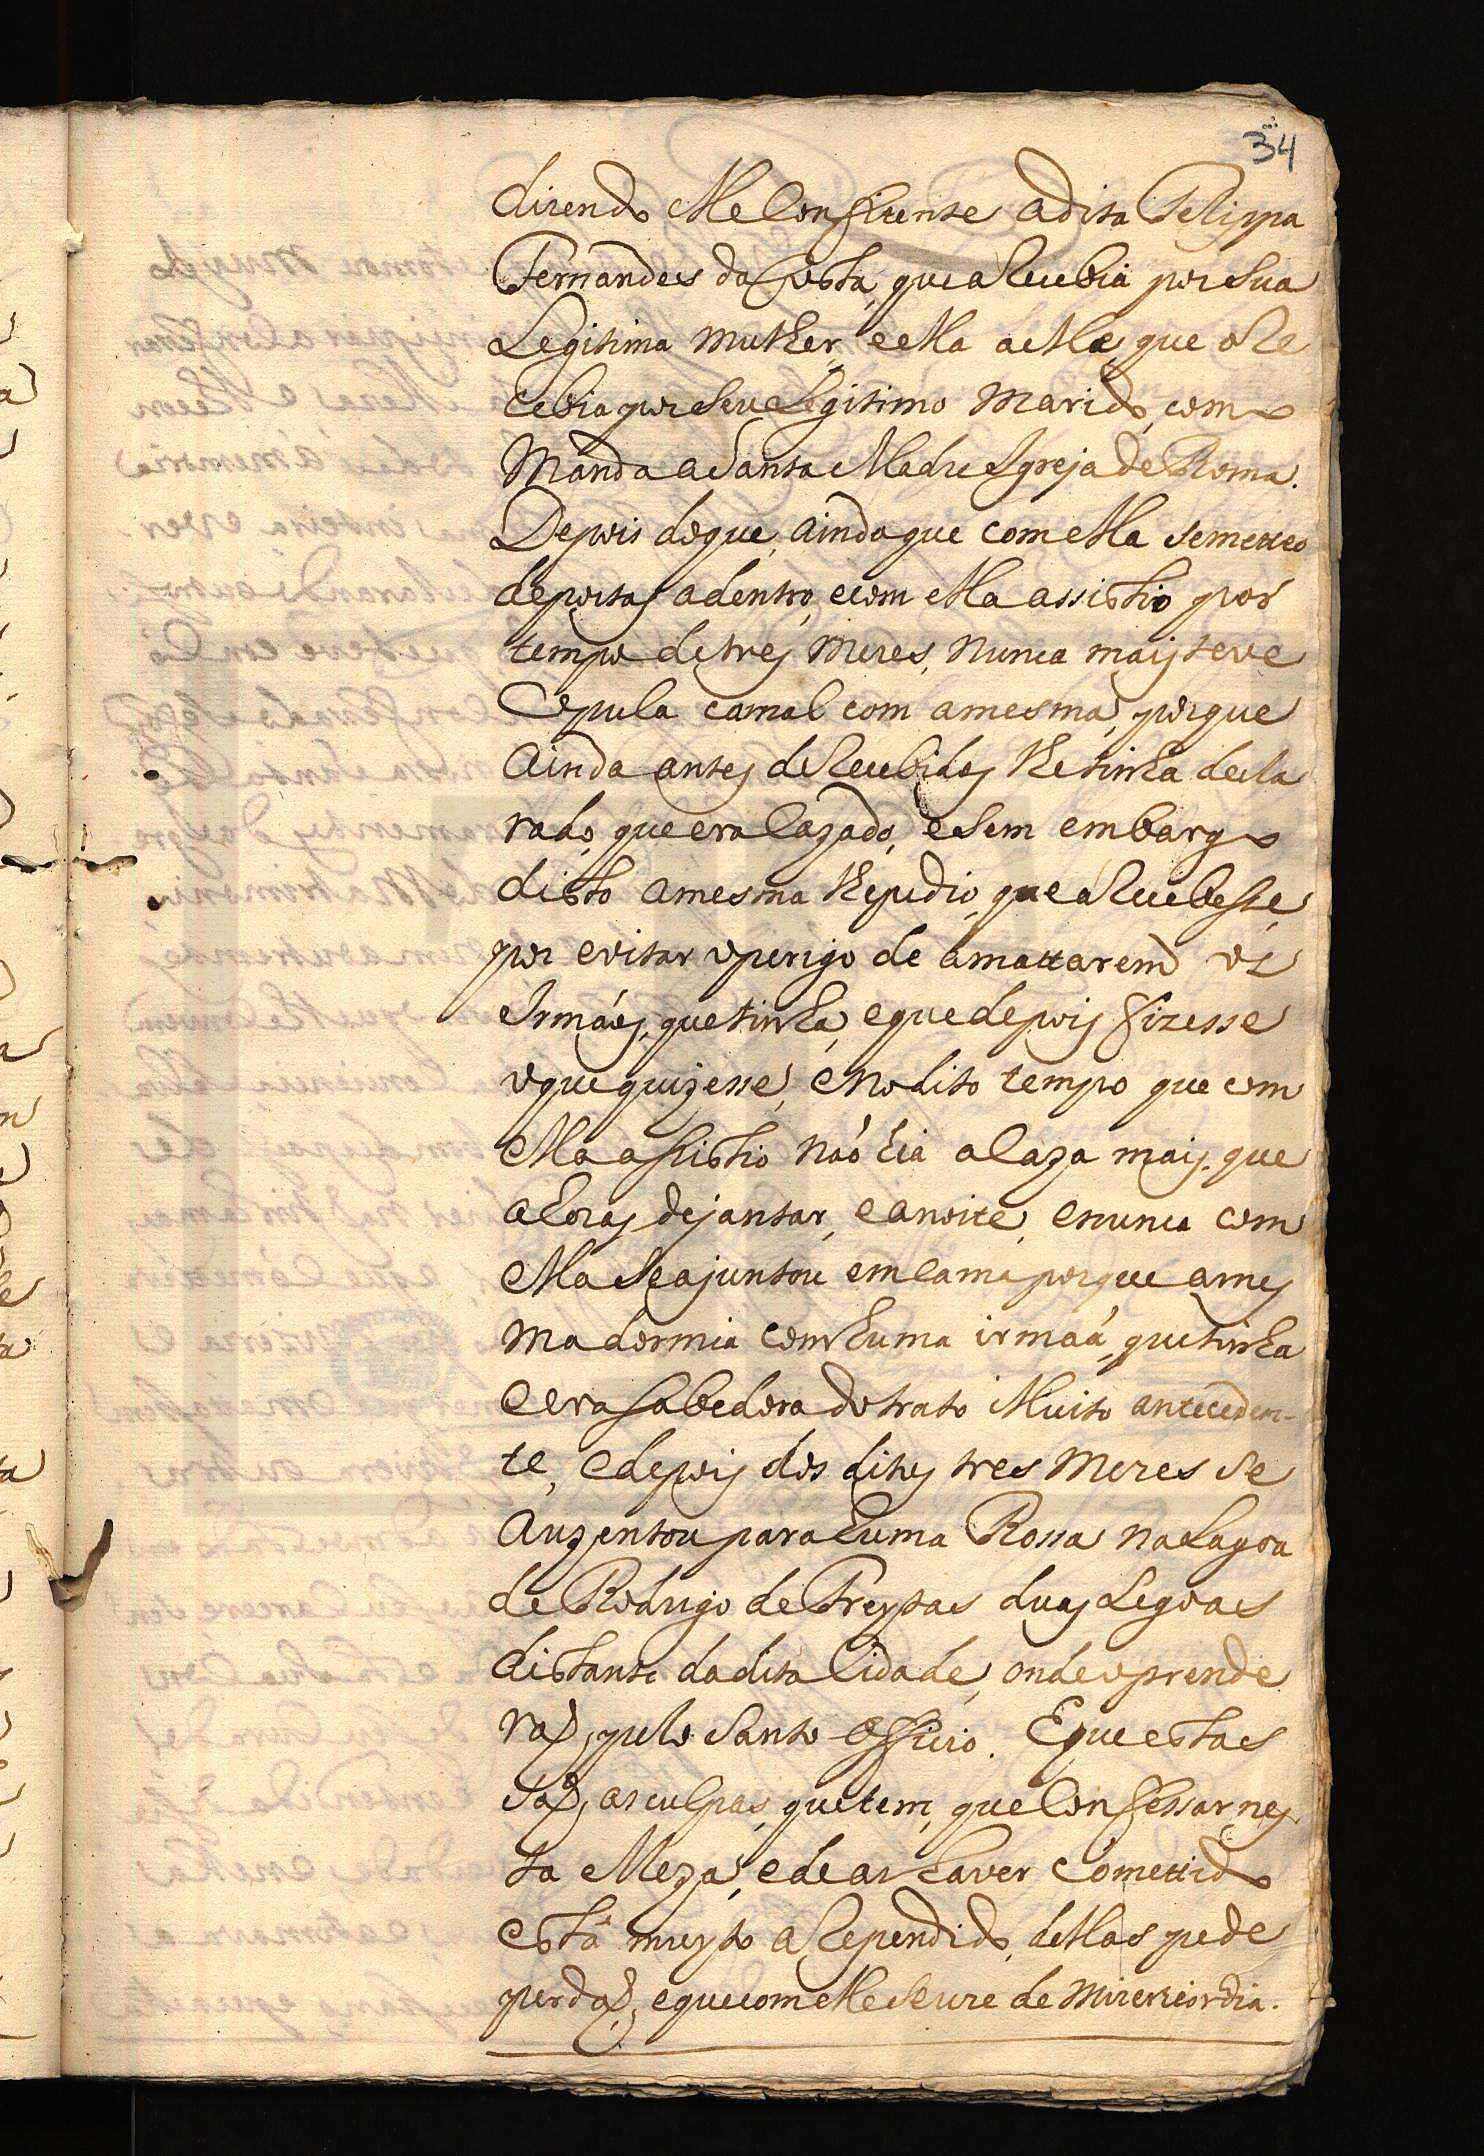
dizendo elle confitente a dita Felippa
Fernandes da Costa, que a Recebia por Sua
Legitima mulher, e ella a elle que o Re
cebia por seu Legitimo marido, como
Manda a Santa Madre Igreja de Roma.
Depois do que, ainda que com ella se metteo
de portas adentro, e com ella assistio por
tempo de tres mezes, nunca mais teve
Copula carnal com a mesma, porque
ainda antes de Recebidos lhe tinha decla
rado que era Cazado, e sem embargo
disto a mesma lhe pedio, que a Recebesse,
por evitar o perigo de a mattarem os
Irmaõs, que tinha, e que depois fizesse
o que quizesse, e no dito tempo que com
ella assistio naõ hia a Caza mais, que
a horas de jantar, e a noite e nunca com
ella se ajuntou em cama porque a mes
ma dormia com huma irmaā, que tinha
e era sabedora do trato Muito anteceden
te, e depois dos ditos tres mezes se
auzentou para huma Rossa na Lagoa
de Rodrigo de Freytas duas Legoas
distante da dita Cidade, onde o prende
raõ pelo Santo officio. E que estas
saõ as culpas que tem, que Confessar nes
ta Meza, e de as haver comettido
está muyto aRependido, dellas pede
perdaõ, e que com elle se uze de mizericordia
